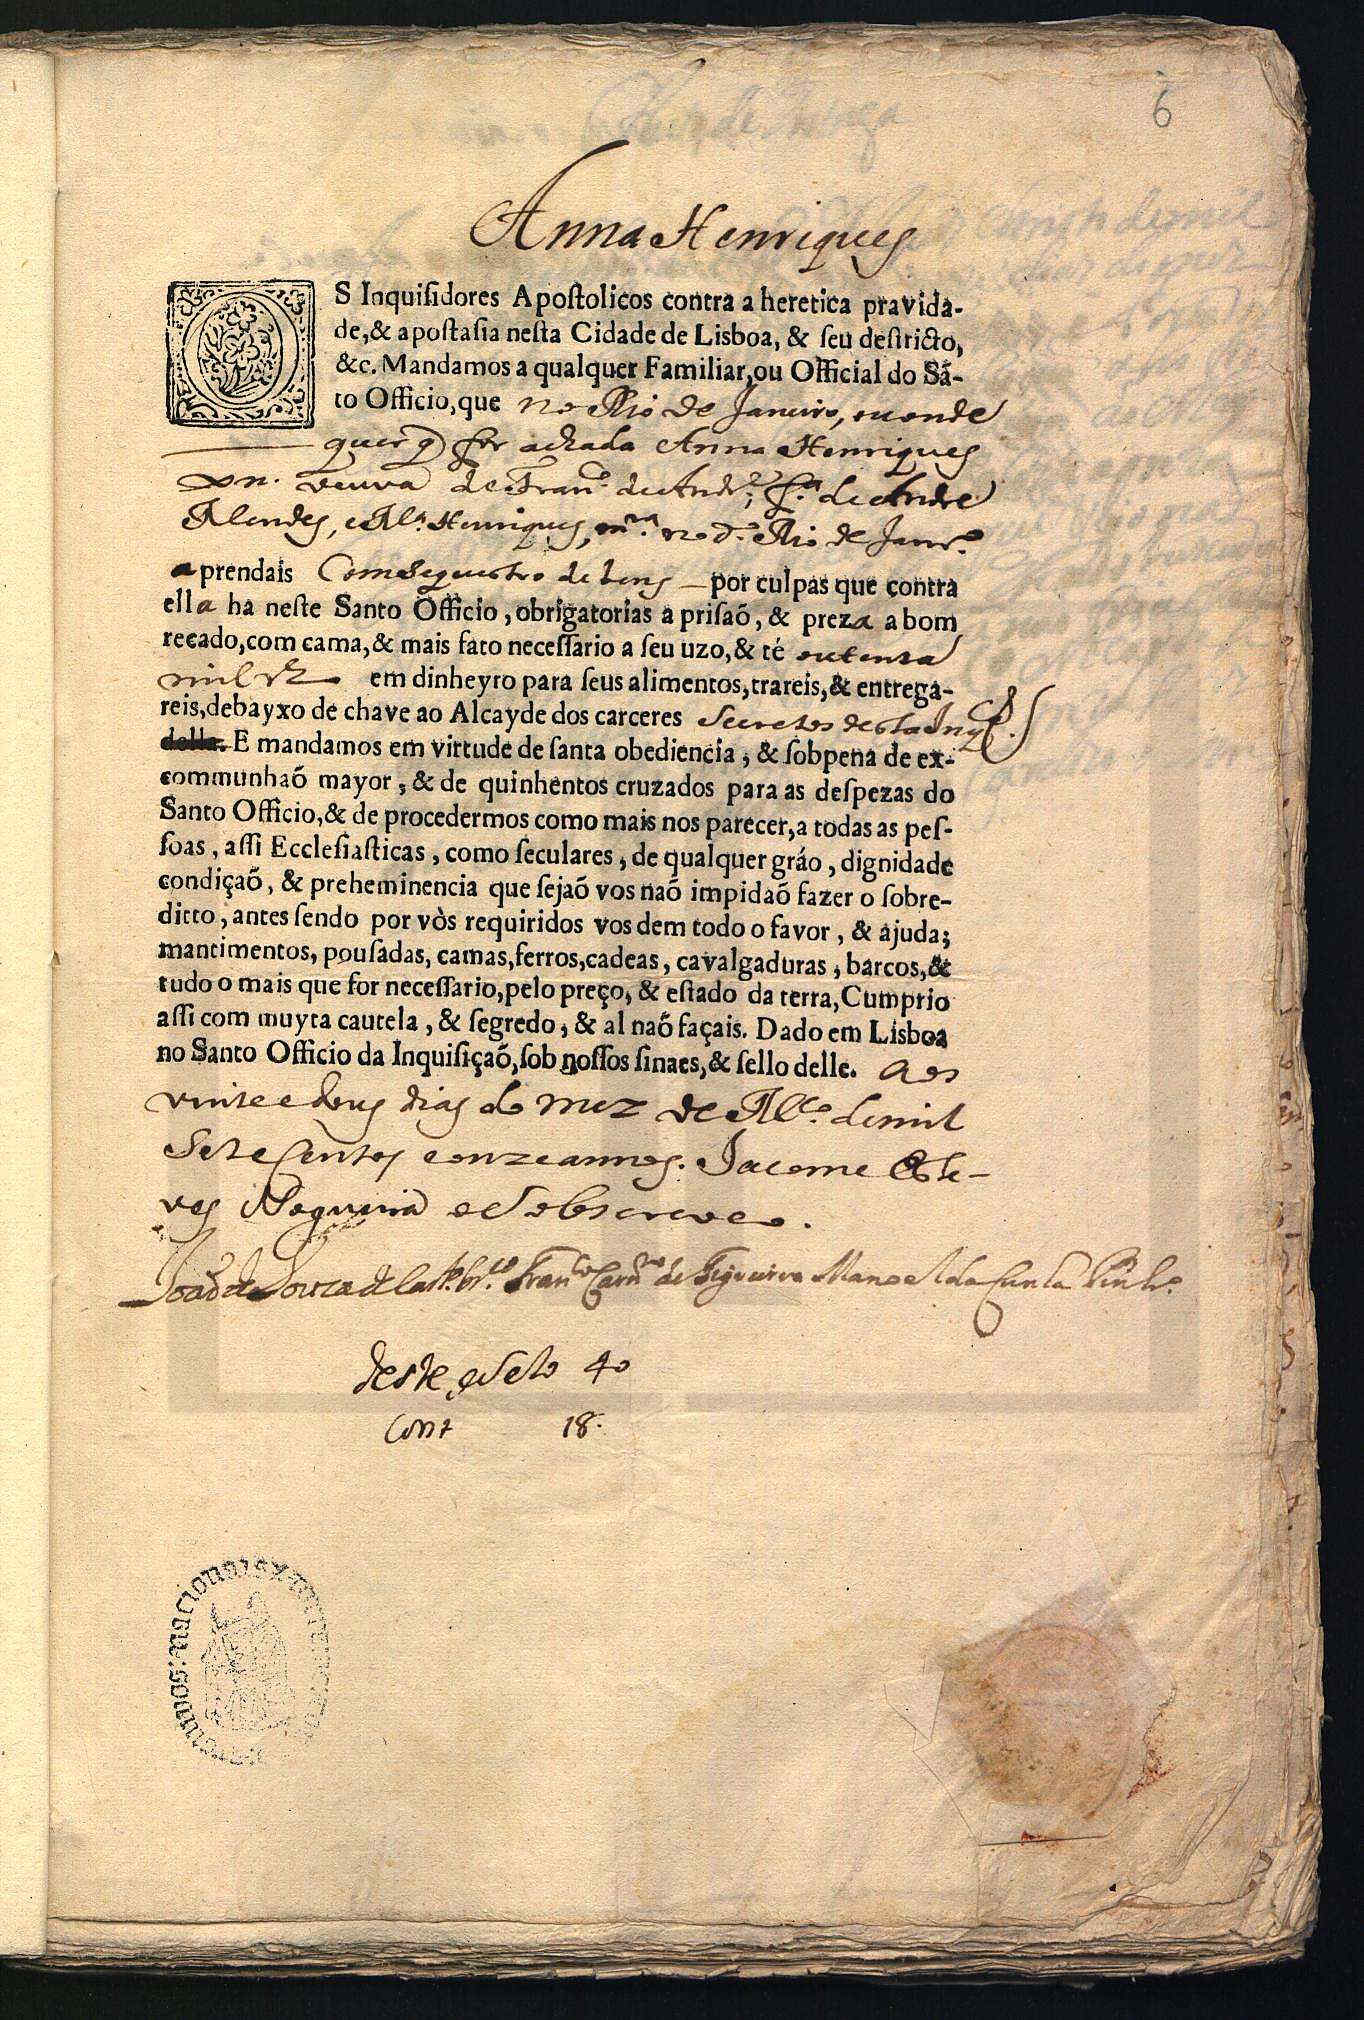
Anna Henriques
OS Inquisidores Apostolicos contra a heretica pravida
de, & apostasia nesta Cidade de Lisboa, & seu destricto,
&c. Mandamos a qualquer Familiar, ou Official do Sā
to Officio, que no Rio de Janeiro, ou onde
quer q̄ for achada Anna Henriques
xn. veuva de Fran.co de Andr.e, f.a de Andre
Mendes, e M.a Henriques, m.ra no d.o Rio de Janr.o
a prendais Com sequestro de bens - por culpas que contra
ella ha neste Santo Officio, obrigatorias a prisaõ, & preza a bom
recado, com cama, & mais fato necessario a seu uzo, & té outenta
mil rz em dinheyro para seus alimentos, trareis, & entrega
reis, debayxo de chave ao Alcayde dos carceres secretos desta InqÇaõ.
della. E mandamos em virtude de santa obediencia, & sob pena de ex
communhaõ mayor, & de quinhentos cruzados para as despezas do
Santo Officio, & de procedermos como mais nos parecer, a todas as pes
soas, assi Ecclesiasticas, como seculares, de qualquer gráo, dignidade
condiçaõ, & preheminencia que sejaõ vos naõ impidaõ fazer o sobre
ditto, antes sendo por vòs requiridos vos dem todo o favor, & ajuda;
mantimentos, pousadas, camas, ferros, cadeas, cavalgaduras, barcos, &
tudo o mais que for necessario, pelo preço, & estado da terra, Cumprio
assi com muyta cautela, & segredo, & al naõ façais. Dado em Lisboa
no Santo Officio da Inquisiçaõ, sob nossos sinaes, & sello delle. aos
vinte e dous dias do mez de M.ço de mil
seteCentos e onze annos. Iacome Este
ves Nogueira o Sobscreveo.
Ioaõ de Souza de Cast.obr.co Franco Carnro de Figueiroa Manoel da Cunha Pinh.o
deste e selo 40
cont
18.
